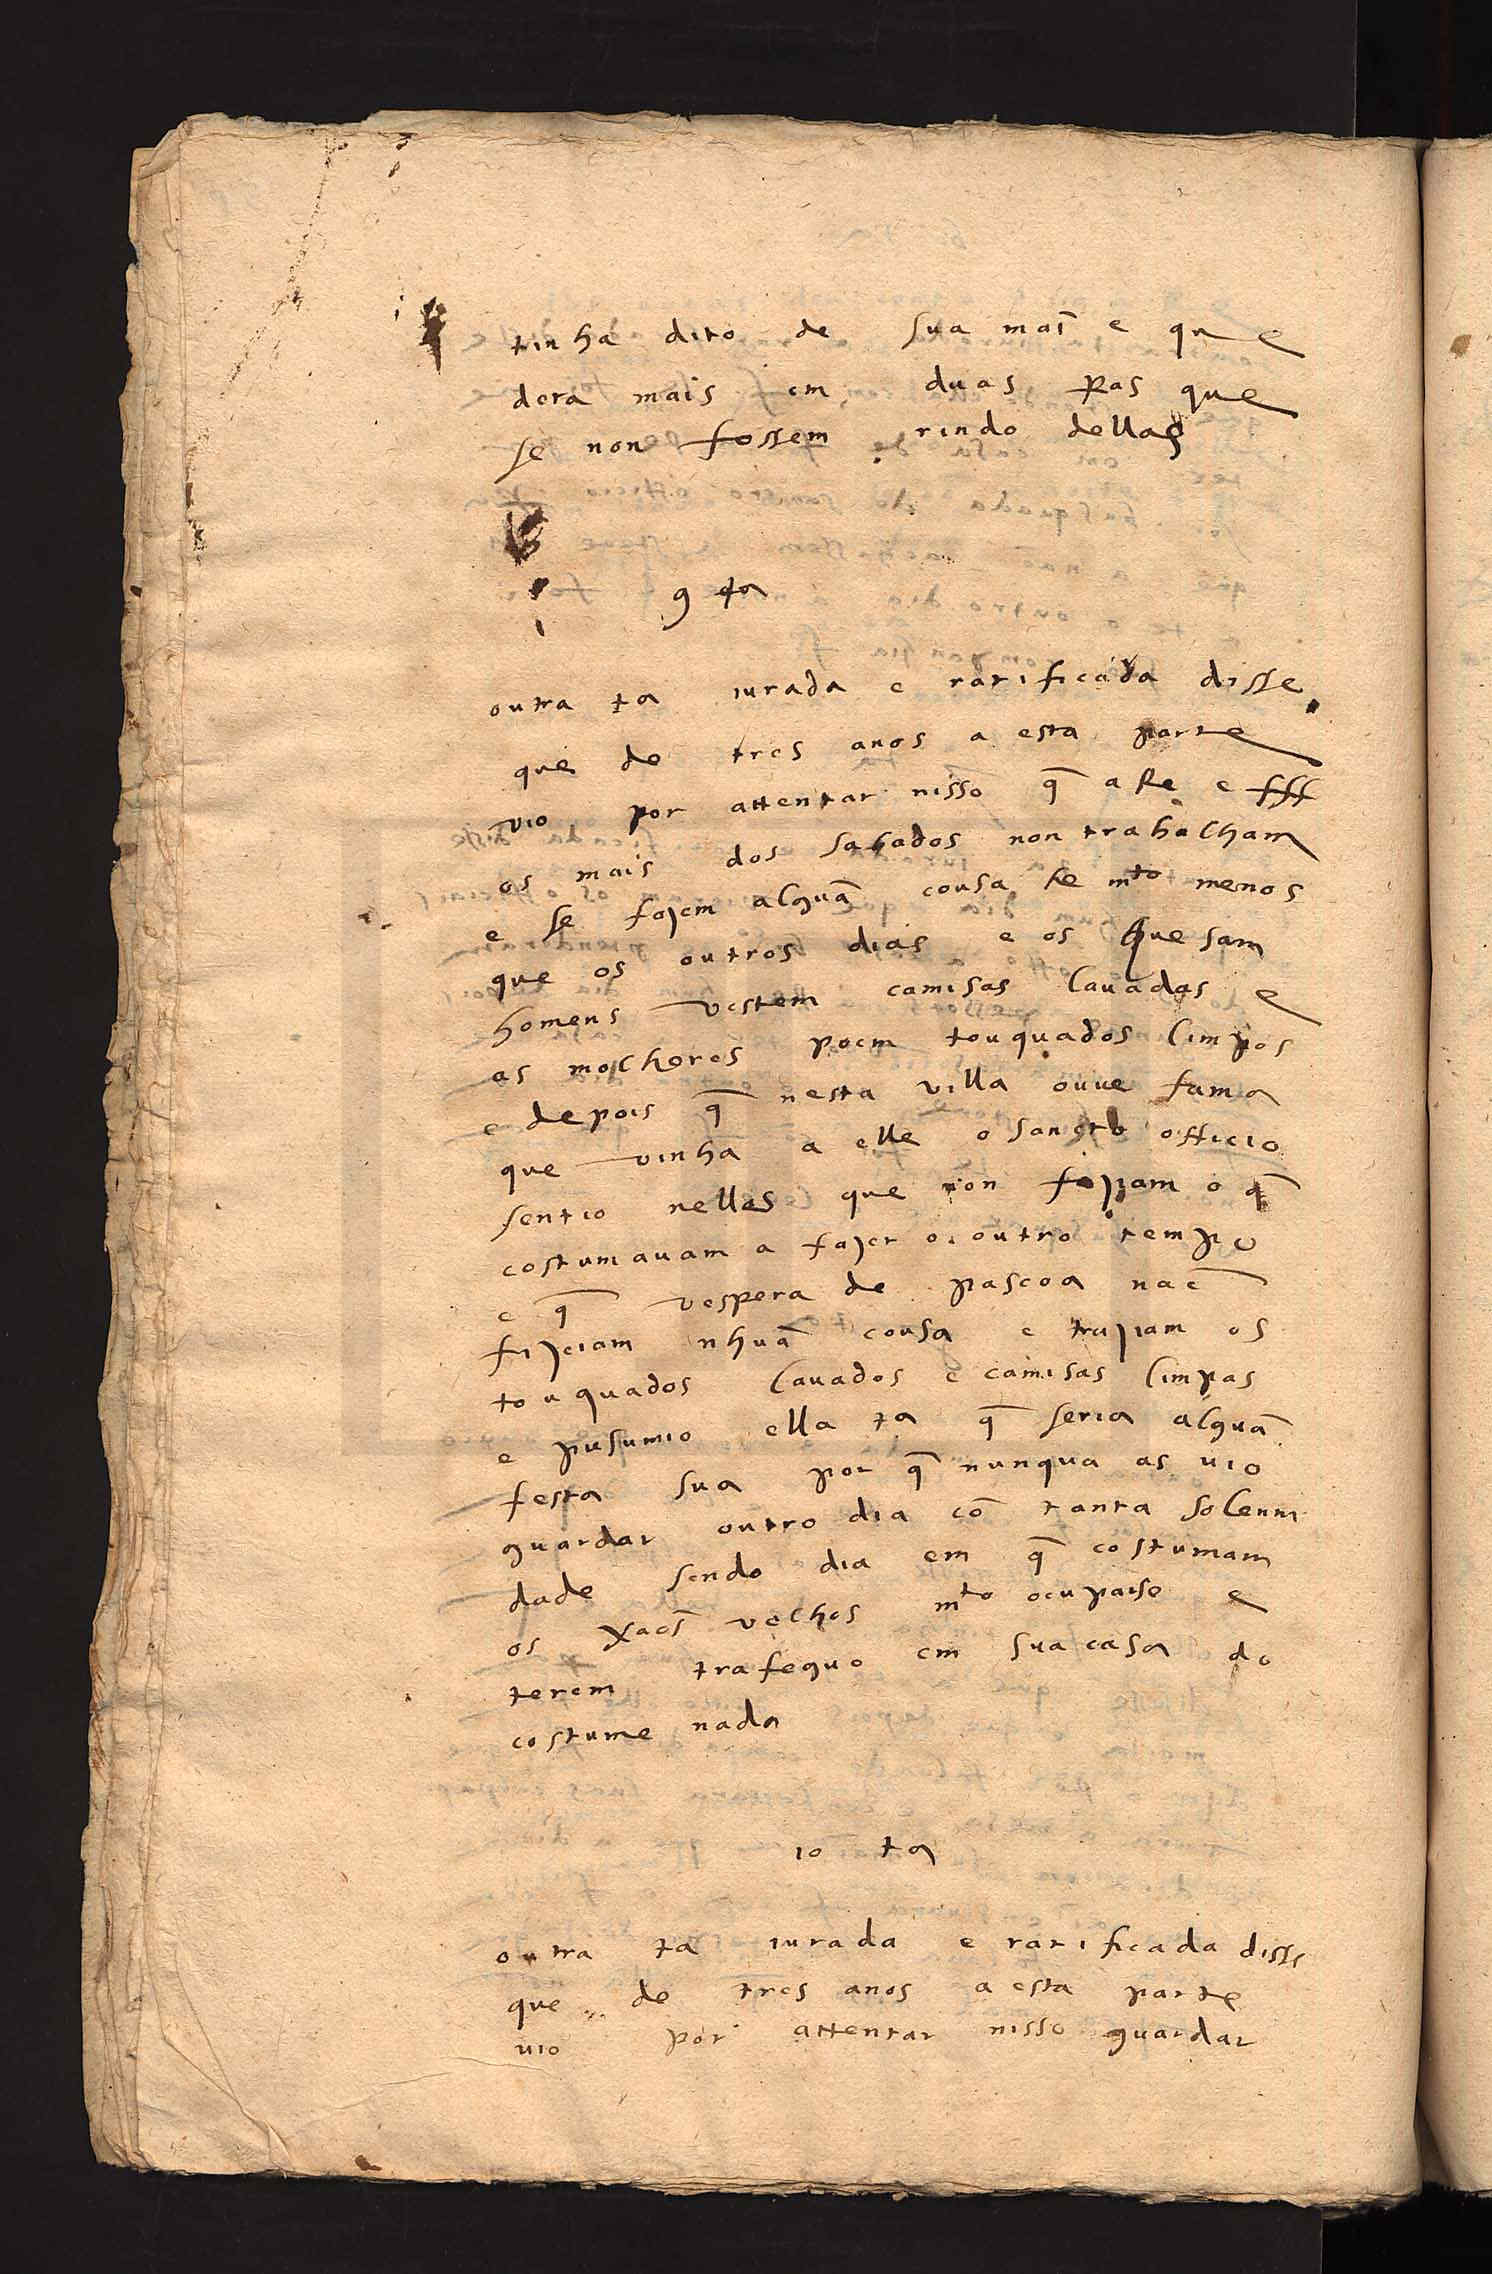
tinha dito de sua mai̅ e que
dera mais em duas ꝑas que
se non fossem rindo dellas
9 ta
outra ta iurada e ratificada disse
que de tres anos a esta parte
vio por attentar nisso q̅ a Re e fff
os mais dos sabados non trabalham
e se fazem alguā cousa he mto menos
que os outros dias e os que sam
homens vestem camisas lauadas e
as molheres poem touquados limpos
e depois q̅ nesta villa ouue fama
que vinha a elle o sancto officio
sentio nellas que non faziam o q̅
costumauam a fazer o outro tempo
e q̅ vespera de pascoa naõ
fizeram nhuā cousa e traziam os
touquados lauados e camisas limpas
e presumio ella ta q̅ seria alguā
festa sua por q̅ nunqua as uio
guardar outro dia co̅ tanta solenni
dade sendo dia em q̅ costumam
os xaos̄ velhos mto ocuparse e
terem trafeguo em sua casa do
costume nada
10 ta
outra ta iurada e ratificada disse
que de tres anos a esta parte
uio por attentar nisso guardar
